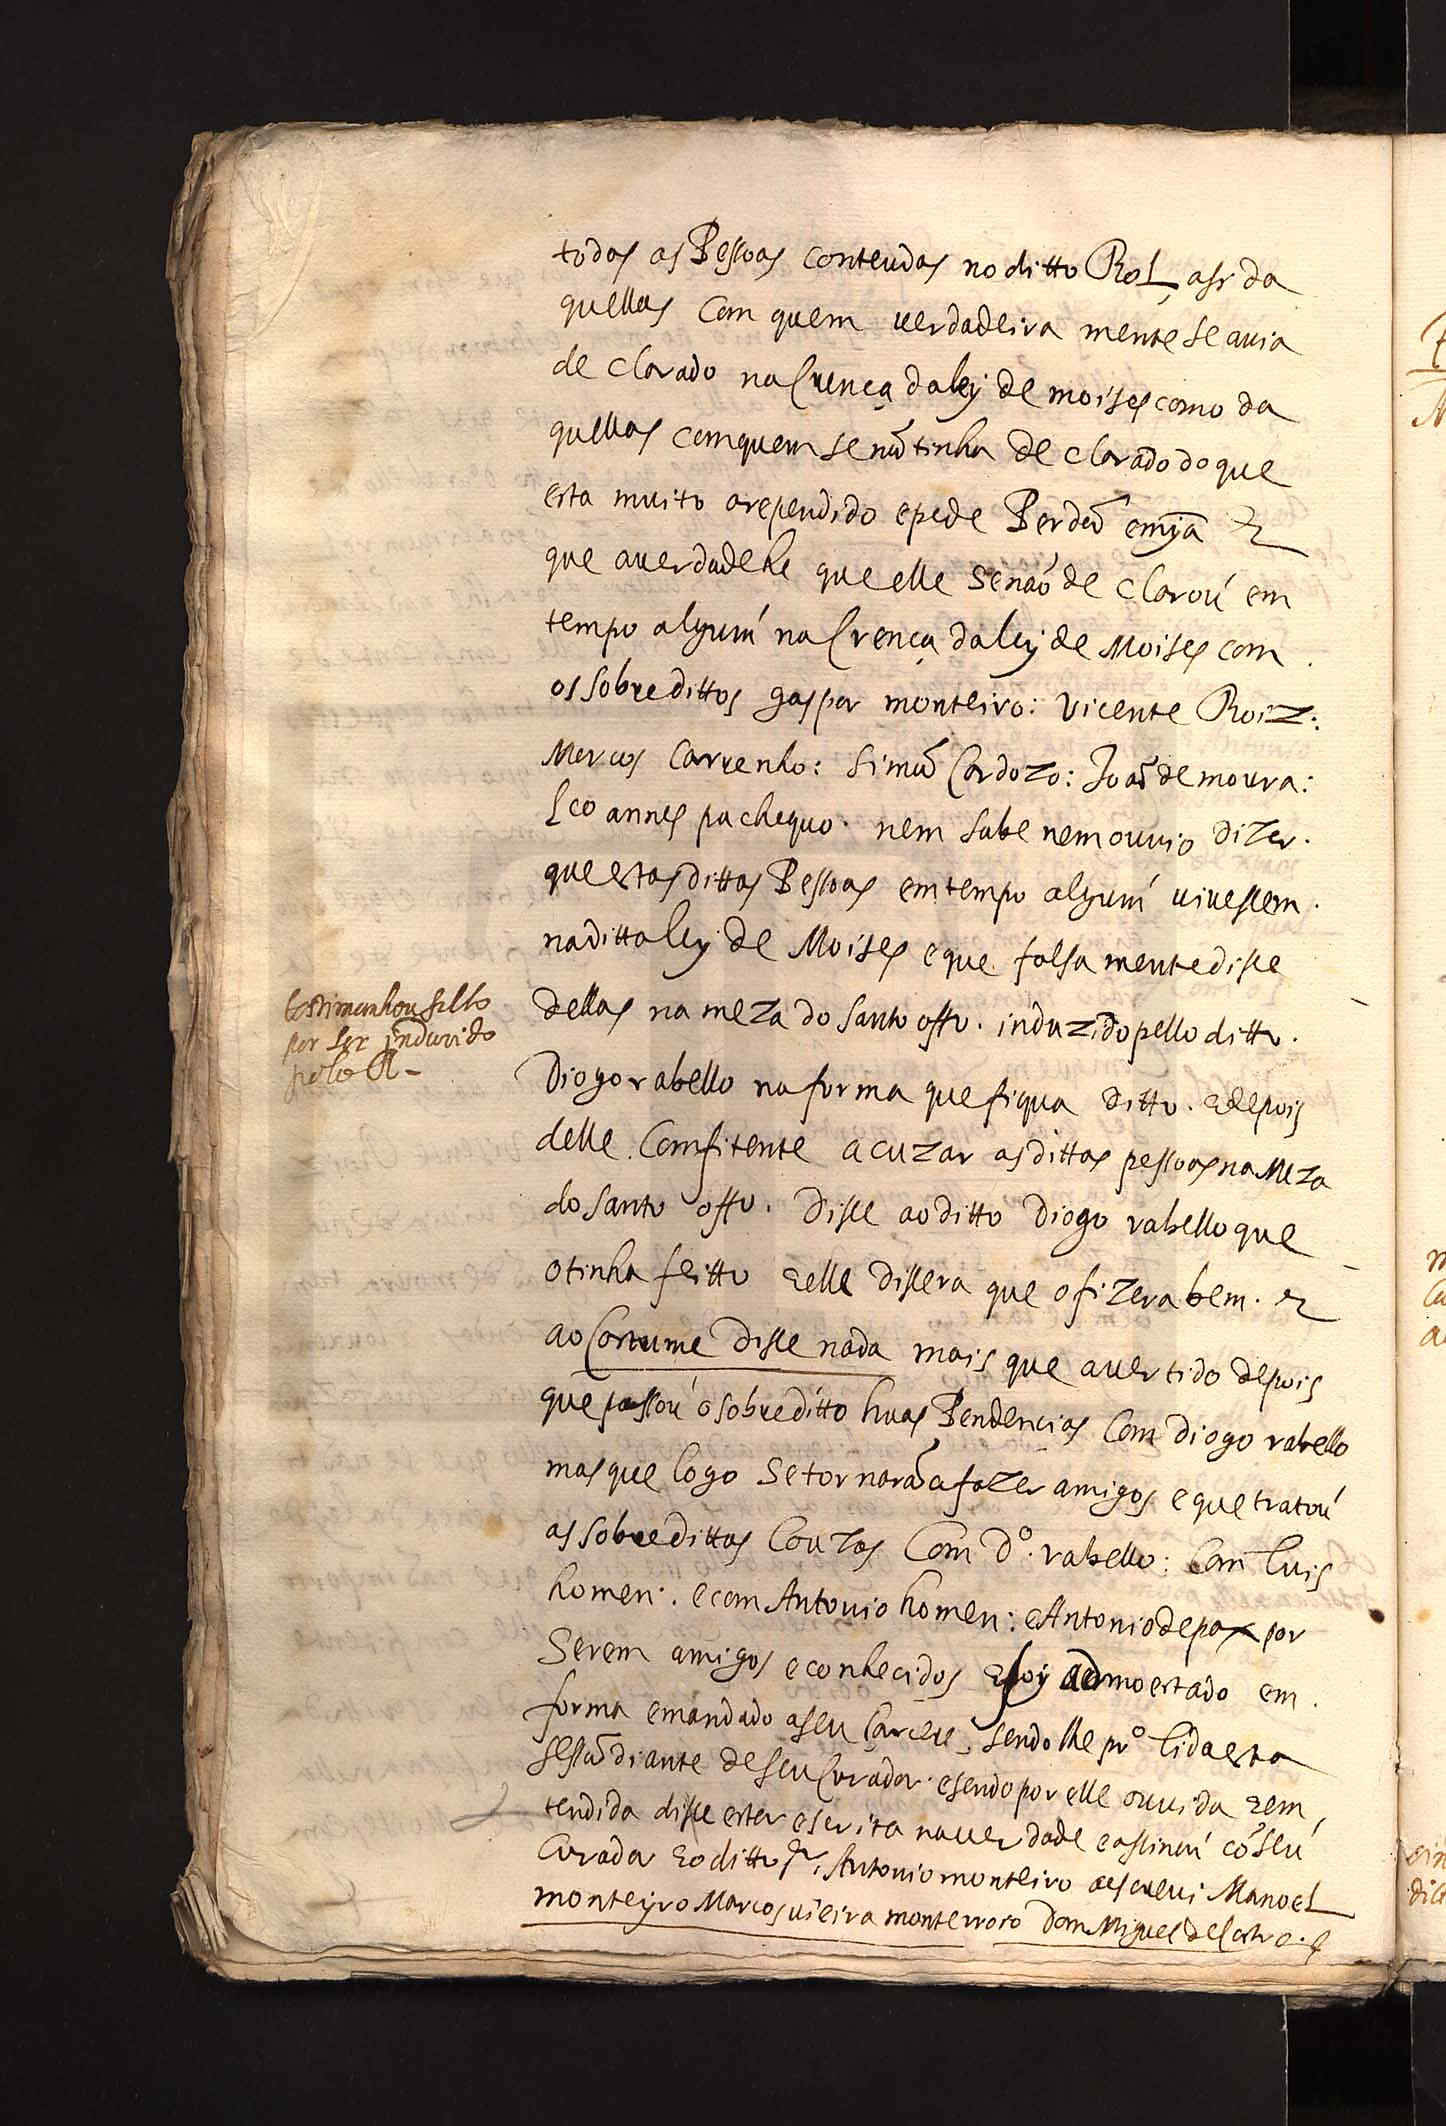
testimunhou falso
por ser induzido
pelo R.
todas as Pessoas conteudas no ditto RoL, asi da
quellas com quem uerdadeiramente se auia
declarado na Crença da ley de moises como da
quellas com quem se nā tinha declarado do que
esta muito arependido e pede Perdaõ e mȳa E
que a uerdade he que elle se naõ declarou em
tempo algum na Crença da ley de Moises com
os sobredittos gaspar monteiro: vicente Roiz:
Marcos Carrenho: Simaõ Cardozo: Joaõ de moura:
Lco annes pachequo. nem sabe nem ouuio dizer.
que estas dittas Pessoas em tempo algum̄ uiuessem.
na ditta ley de Moises e que falsamente disse
dellas na meza do Santo offo. induzido pello ditto.
Diogo rabello na forma que fiqua ditto. E depois
delle Confitente acuzar as dittas pessoas na Meza
do Santo offo. Disse ao ditto diogo rabello que
o tinha feitto E elle dissera que o fizera bem. E
ao Costume disse nada mais que auer tido depois
que passou o sobreditto huas Pendencias Com diogo rabello
mas que logo Se tornaraõ a fazer amigos e que tratoū
as sobredittas Couzas Com D.o rabello: Com luis
homen: e com Antonio homen: Antonio de pax por
Serem amigos e conhecidos E foy admoestado em
forma e mandado a seu Carcere, sendo lhe pro lida esta
sessaõ diante de seu Curador. e sendo por elle ouuida E em
tendida disse estar escrita na uerdade e assinoū cō seu
Curador E o ditto sor. Antonio monteiro o escreui ManoeL
monteyro Marcos uieira monterroto Dom Miguel de Castro.
